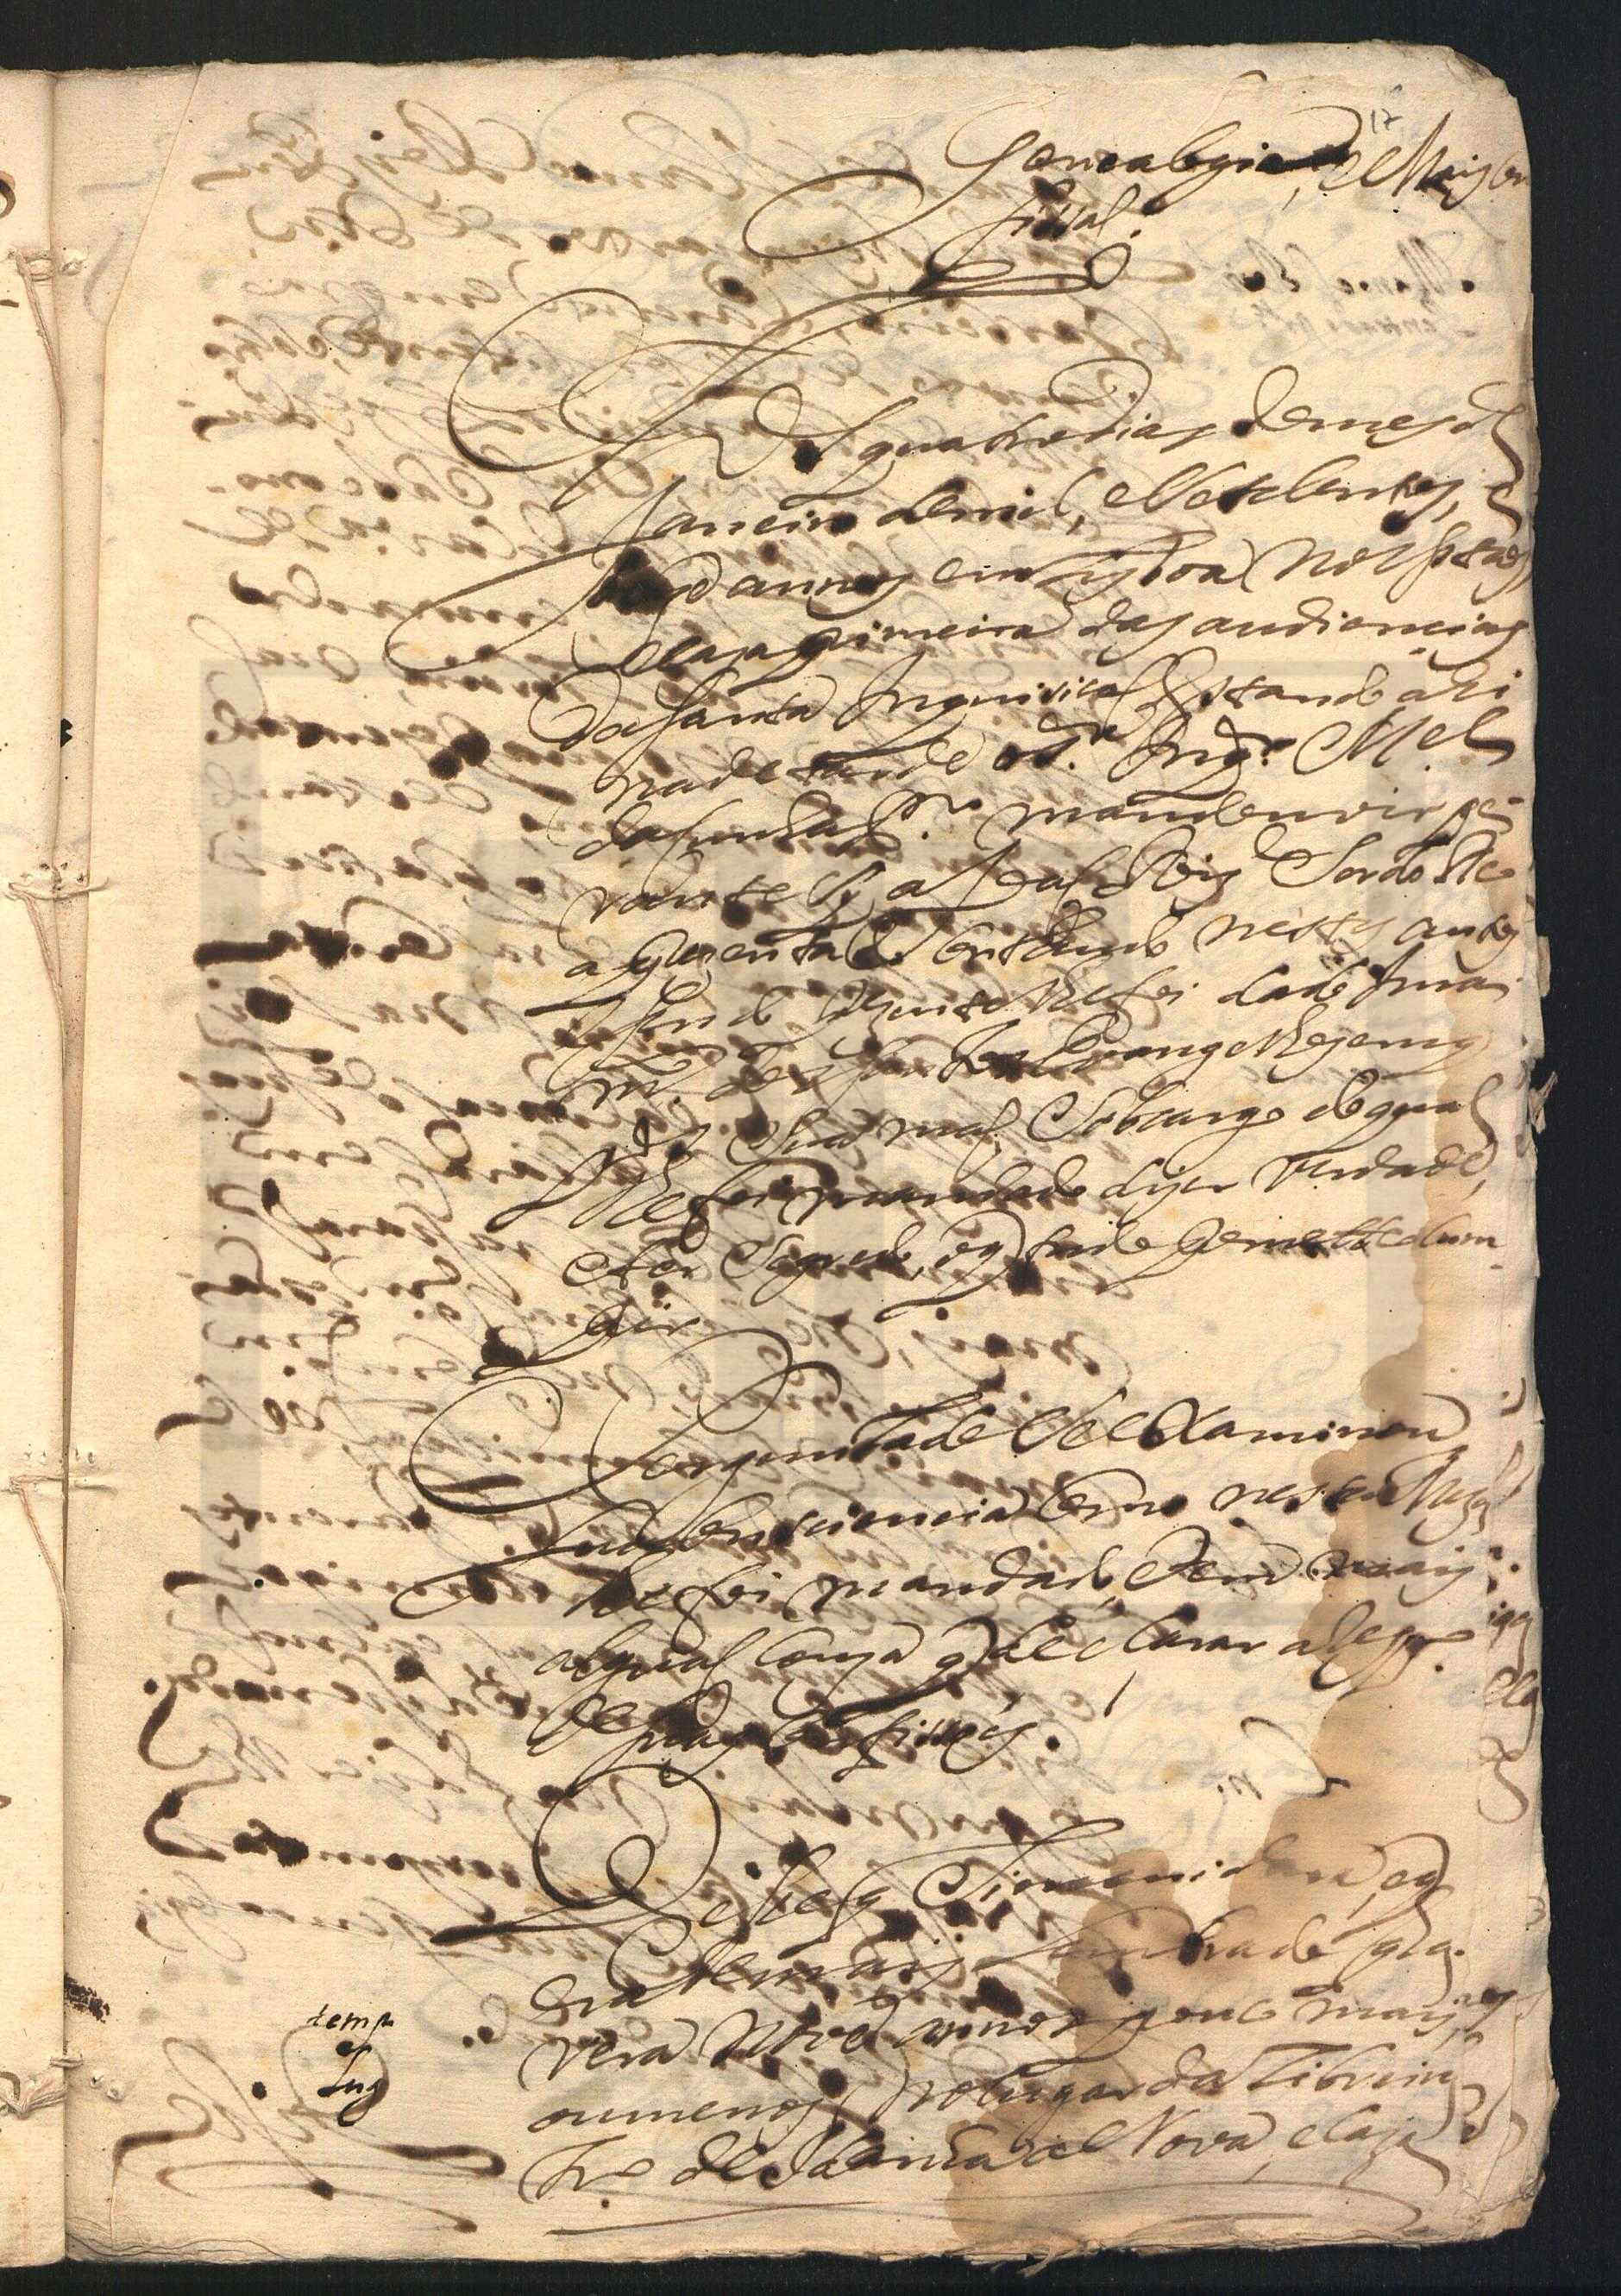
Genealogia, e Mais Con
fissaꝭ.
Aos quatro dias do mes de
Janeiro de mil, e SeteCentos, e
ze annos em Lisboa nos estaos,
e casa primeira das audiencias
da santa Inquisiçaõ Estando ahi
na de tarde o s.or Jnq.or M.el
da Cunha P.r mandou vir pe
rante sy a Joaõ Rois̄ Sordo Reo
apRezentado e Contheudo nestes autos
e sendo pRezente lhe foi dado Jura
m.to dos santos Evangelhos em q̄
pos sua maꝭ Sob cargo do qual
lhe foi mandado dizer verdade,
e ter Segredo, o q̄ tudo pRometteo Cum
prir
Perguntado se eXaminou
sua Consciencia Como nesta Mesa
lhe foi mandado, e tem mais
alguaꝭ Couza q̄ declarar a Resp.o
de suas Confissoẽs.
Disse q̄ sim cuidara, e q̄
era de mais Lembrado q̄ ha
vera nove annos pouco mais
temp
ou menos no lugar da Zibreira
lug
tr.o de Idanha a Nova, e Caza
